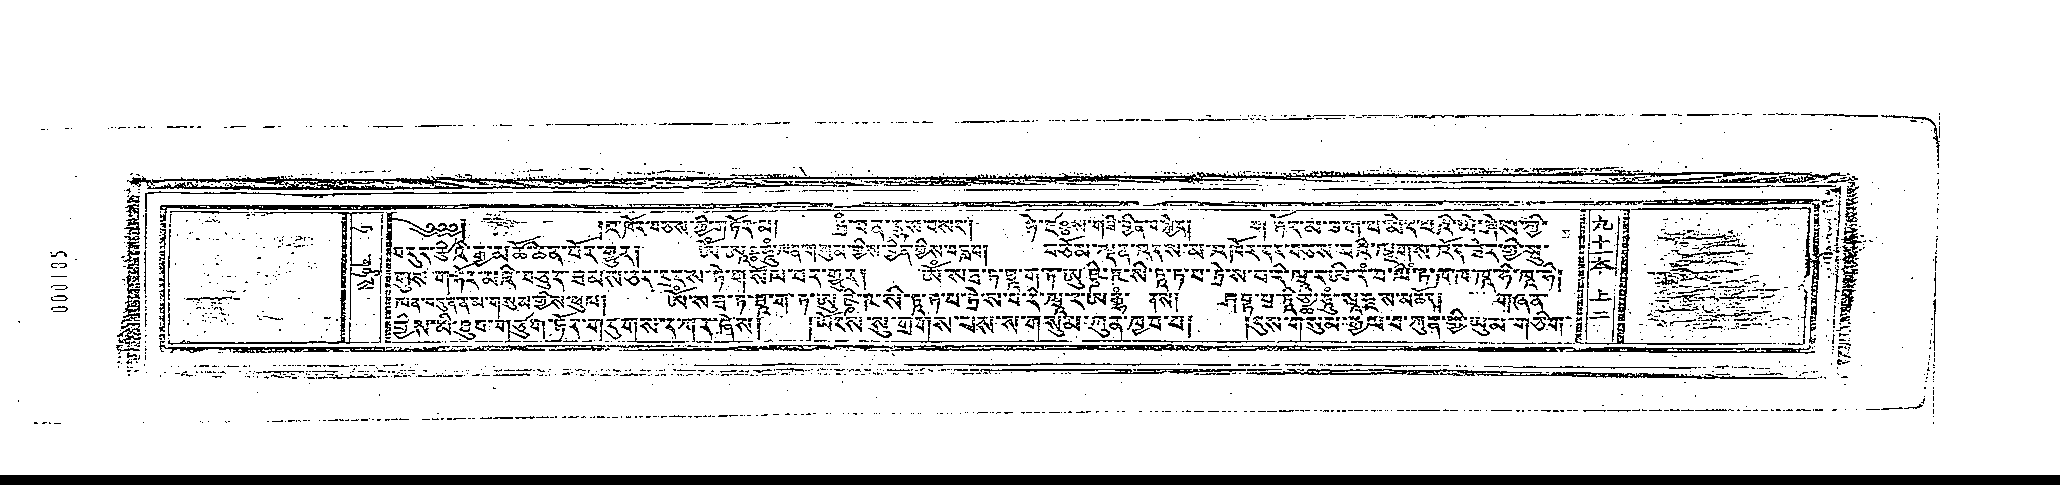༄༅༅། །འཁོར་བཅས་ཀྱི་གཏོར་མ། ཏྲཾ་བ་ན་དྷ་ས་བསང་། ཏེ་ཛཿ་ས་གཟི་བྱིན་བསྐྱེད། གཏོར་མ་ཟག་པ་མེད་པའི་ཡེ་ཤེས་ཀྱི་
བདུད་རྩིའི་རྒྱ་མཚོ་ཆེན་པོར་གྱུར། ཨོཾ་ཨཱཿ་ཧཱུཾ་ལན་གསུམ་གྱིས་བྱིན་གྱིས་བརླབ། བཅོམ་ལྡན་འདས་མ་འཁོར་དང་བཅས་པའི་ལྗགས་འོད་ཟེར་གྱི་སྤུ་
གུས་གཏོར་མའི་བཅུད་ཐམས་ཅད་དྲངས་ཏེ་གསོལ་བར་གྱུར། ཨོཾ་སརྦ་ཏ་ཐཱ་ག་ཏ་ཨུཥྞི་ཥ་སི་ཏཱ་ཏ་བ་ཏྲེ་ས་པ་རི་ཝཱ་ར་ཨི་དཾ་བ་ལིཾ་ཏ་ཁ་ཁ་ཁཱ་ཧི་ཁཱ་ཧི།
ལན་བདུན་ནམ་གསུམ་གྱིས་ཕུལ། ཨོཾ་སརྦ་ཏ་ཐཱ་ག་ཏ་ཨུཥྞི་ཥ་སི་ཏཱ་ཏ་པ་ཏྭེ་ས་པ་རི་ཝཱ་ར་ཨརྒྷཾ་ནས། ཤཔྟ་པྲ་ཏཱི་ཙྪི་ཧཱུཾ་སྭཱ་ཧཱ་ས་མཆོད། གཞན་
གྱིས་མི་ཐུབ་གཙུག་ཏོར་གདུགས་དཀར་ཞེས། །ཡོངས་སུ་གྲགས་པས་ས་གསུམ་ཀུན་ཁྱབ་པ། །དུས་གསུམ་གྱལ་བ་ཀུན་གྱི་ཡུམ་གཅིག་